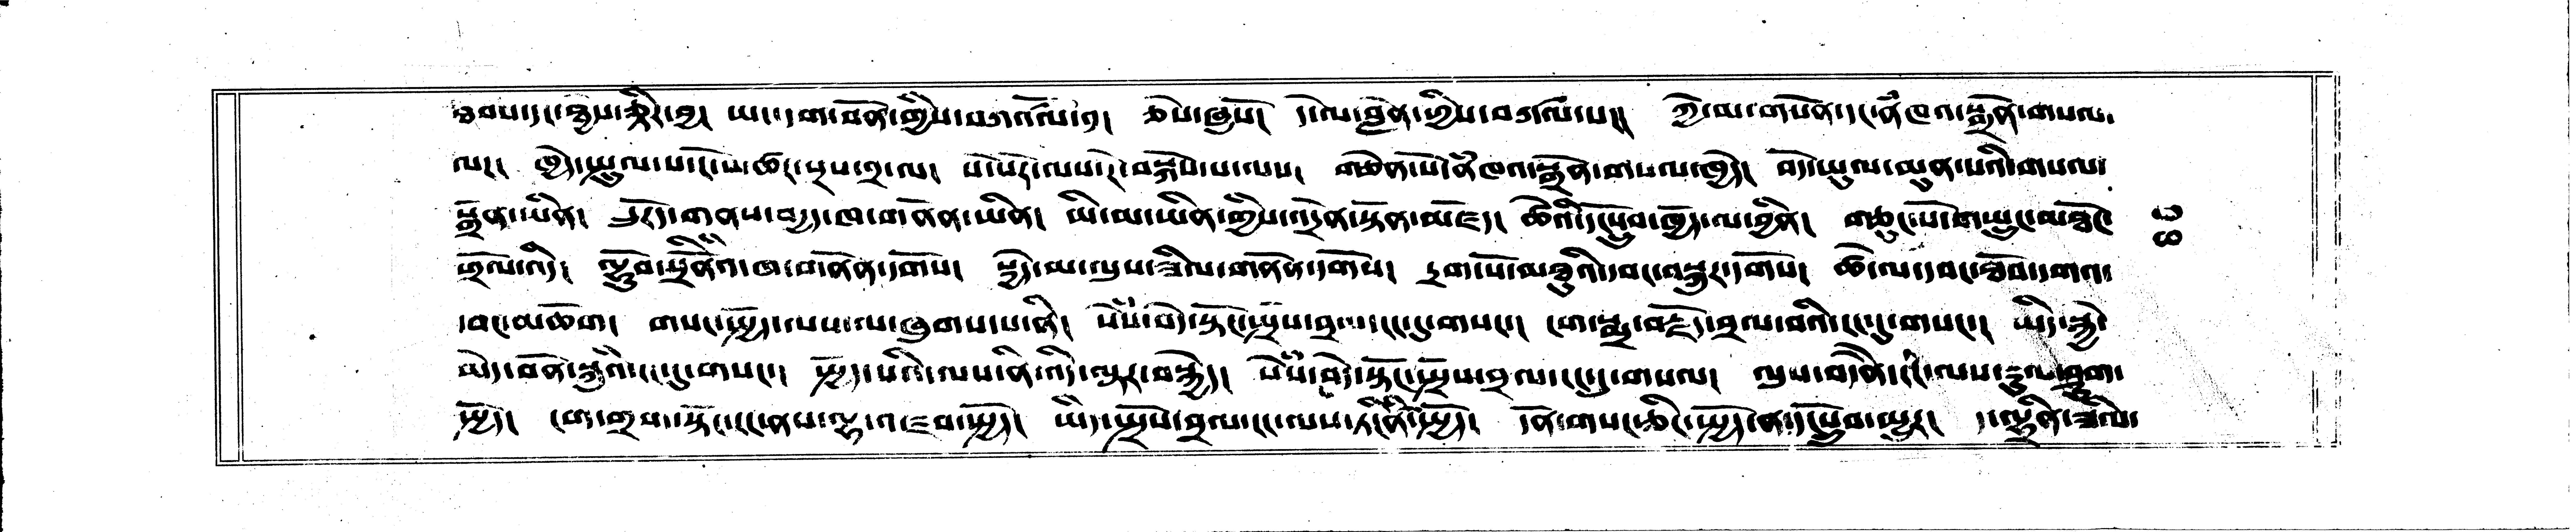ཐབས་དང་ཐུགས་རྗེ་ཅི་ལྟར་བྱ། ཡང་དག་བོན་གྱི་བཀའ་སྩོལ་ཅིག །ཅེས་ཞུས་སོ། །དེ་ལ་བླ་ཆེན་གྱིས་བཀའ་སྩལ་པ། ཀྱེ་མ་གསོན་དང་ནམ་མཁའ་སྒྲོན་གསལ་
ལགས། ཁྱེད་སྤྲུལ་པ་ངོ་མཚར་སྲས་གཉིས་ལ། སོ་སོར་ལས་རེ་བསྐོས་པ་ལས། གཅེན་པོ་ནམ་མཁའ་སྒྲོན་གསལ་ཁྱེད། བོད་ཡུལ་མུན་པའི་གསལ་
སྒྲོན་ཡིན། དུར་ཁྲོད་གནས་བརྒྱད་ཁ་གནོན་ཡིན། མ་མ་ཡིན་གྱིས་འདྲེན་སྟོན་མཛོད། ཚེའི་དངོས་གྲུབ་ཁྱོད་ལ་བྱིན། གཅུང་པོ་གཡུང་དྲུང་མཐོང་
གྲོལ་འདི། ལྷོ་ནུབ་སྲིན་པོའི་ཁ་གནོན་དགོས། སྡེ་བརྒྱད་མ་ལུས་ཟིལ་གནོན་དགོས། དྲག་པོ་མཐུ་ཡི་དབང་བསྐུར་དགོས། ཚེ་ལ་དབང་ཐོབ་དགའ་
དབང་མཆོག གསང་སྤྱོད་ལས་ལ་ཞུགས་པ་ནི། སེམས་བདེ་སྟོང་སྤྲོས་བྲལ་ངང་དུ་གསང་། ངག་སྨྲ་བརྗོད་བྲལ་བའི་ངང་དུ་གསང་། ཡིད་སྐྱེ་
མེད་བོན་སྐུའི་ངང་དུ་གསང་། སྤྱོད་པའི་ལས་ནི་འདི་ལྟར་བསྐྱེད། སེམས་བདེ་སྟོང་སྤྲོས་བྲལ་ངང་དུ་གསལ། ལུས་བདེ་ཆེན་ངང་ལས་རྟུལ་ཞུགས་
སྤྱོད། ངག་གྲག་སྟོང་ངང་ནས་ལྷ་འཛབ་སྤྱོད། ཡིད་སྤྲོས་བྲལ་ངང་ལས་ཏིང་འཛིན་སྤྱོད། དོན་གསང་ཅིང་སྤྱོད་ན་དངོས་གྲུབ་མྱུར། ད་ལྷ་སྲིན་ཟིལ་